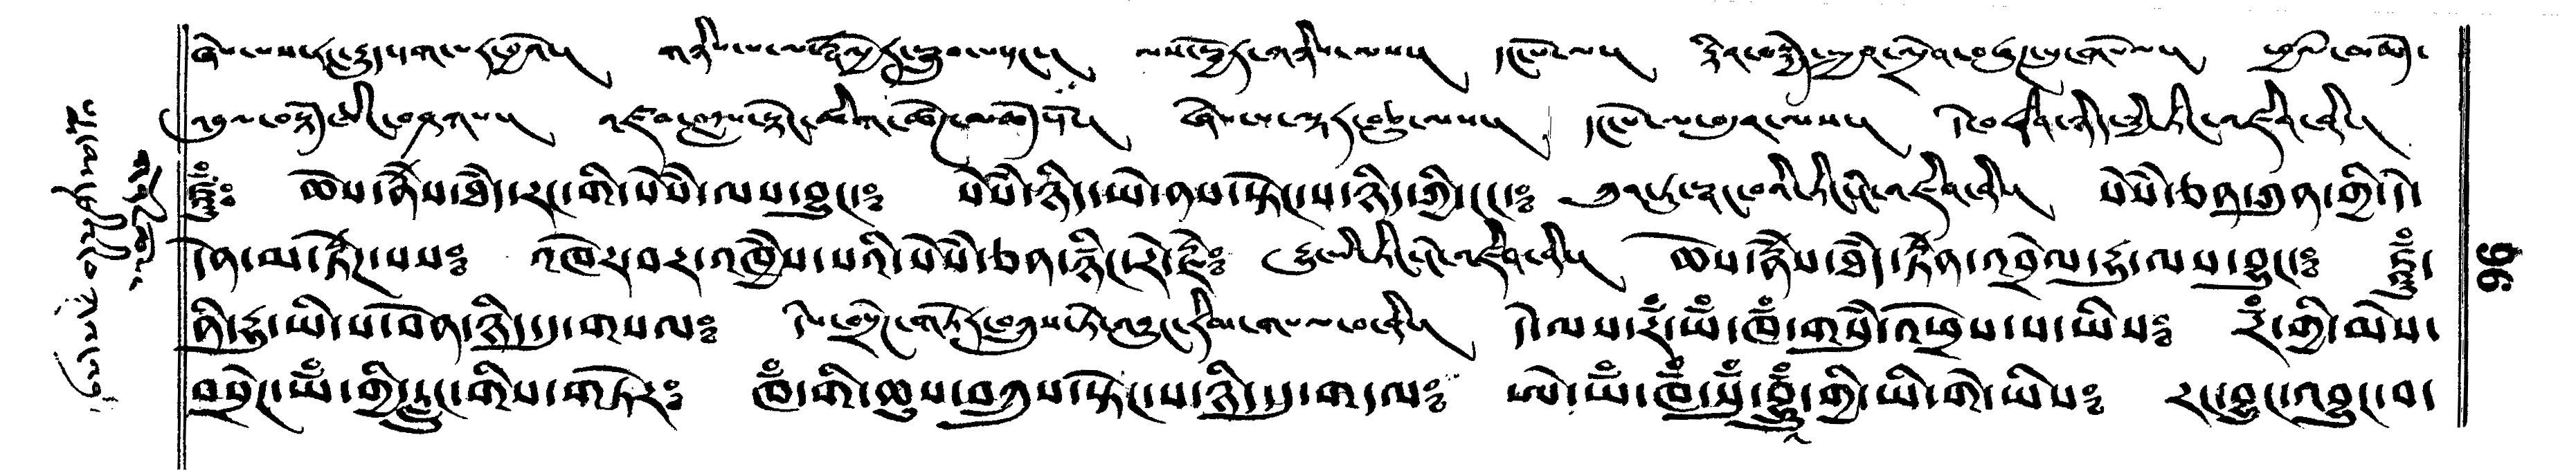ཞེས་པས་རང་རྒྱུད་དག་པར་བྱའོ། གཉིས་པ་ལ་རྣལ་འབྱོར་སྒྲུབ་པ་དང་། ལས་སྦྱོར་གཉིས་ལས། དང་པོ་ལ། རྟེན་བསྐྱེད་སྤྱན་འདྲེན་བཞུགས་སུ་གསོལ། །ཕྱག་འཚལ་མཆོད་
འབུལ་བསྟོད་ཅིང་བཤགས། །འཛབ་བཟླས་སྟོང་ཚིག་ཚོགས་མཆོད་དོ། ཞེས་པ་ལྟར་བཅུ་ལས། དང་པོ་ལ་བདུན་ལས། དེ་བཞིན་ཉིད་ཀྱི་ཏིང་འཛིན་ནི། 
ཧཱུྃ༔ ཆོས་རྣམས་ཐམས་ཅད་རང་གི་སེམས་ལས་བྱུང༔ སེམས་ཉིད་ཡེ་ནས་སྟོང་པ་ཉིད་ཀྱི་ངང༔ ཀུན་ཏུ་སྣང་བའི་ཏིང་ངེ་འཛིན་ནི། སེམས་ཅན་ཀུན་གྱི་དེ་
དོན་མ་རྟོགས་པས༔ འཁོར་བར་འཁྱམས་པའི་སེམས་ཅན་སྙིང་རེ་རྗེ༔ རྒྱུ་ཡི་ཏིང་ངེ་འཛིན་ནི། ཆོས་རྣམས་ཐམས་ཅད་རྟེན་འབྲེལ་རྒྱུ་ལས་བྱུང༔ ཧཱུྃ་
ནི་རྒྱུ་ཡི་ས་བོན་ཉིད་དུ་གསལ༔ དེས་བསྲེགས་གཏོར་བཀྲུས་ཏེ་འབྱུང་རིམ་གསལ་བ་ནི། དེ་ལས་རྃ་ཡྃ་ཁྃ་གསུམ་འཕྲོས་པ་ཡིས༔ རྃ་གྱི་མེས་
བསྲེགས་ཡྃ་གྱི་རླུང་གིས་གཏོར༔ ཁྃ་གི་ཆུས་བཀྲུས་སྟོང་པ་ཉིད་དུ་གདལ༔ ཨེ་ཡྃ་ཁྃ་སུྃ་བྷྲཱུྃ་གྱི་ཡི་གེ་ཡིས༔ རང་བྱུང་འབྱུང་བ་